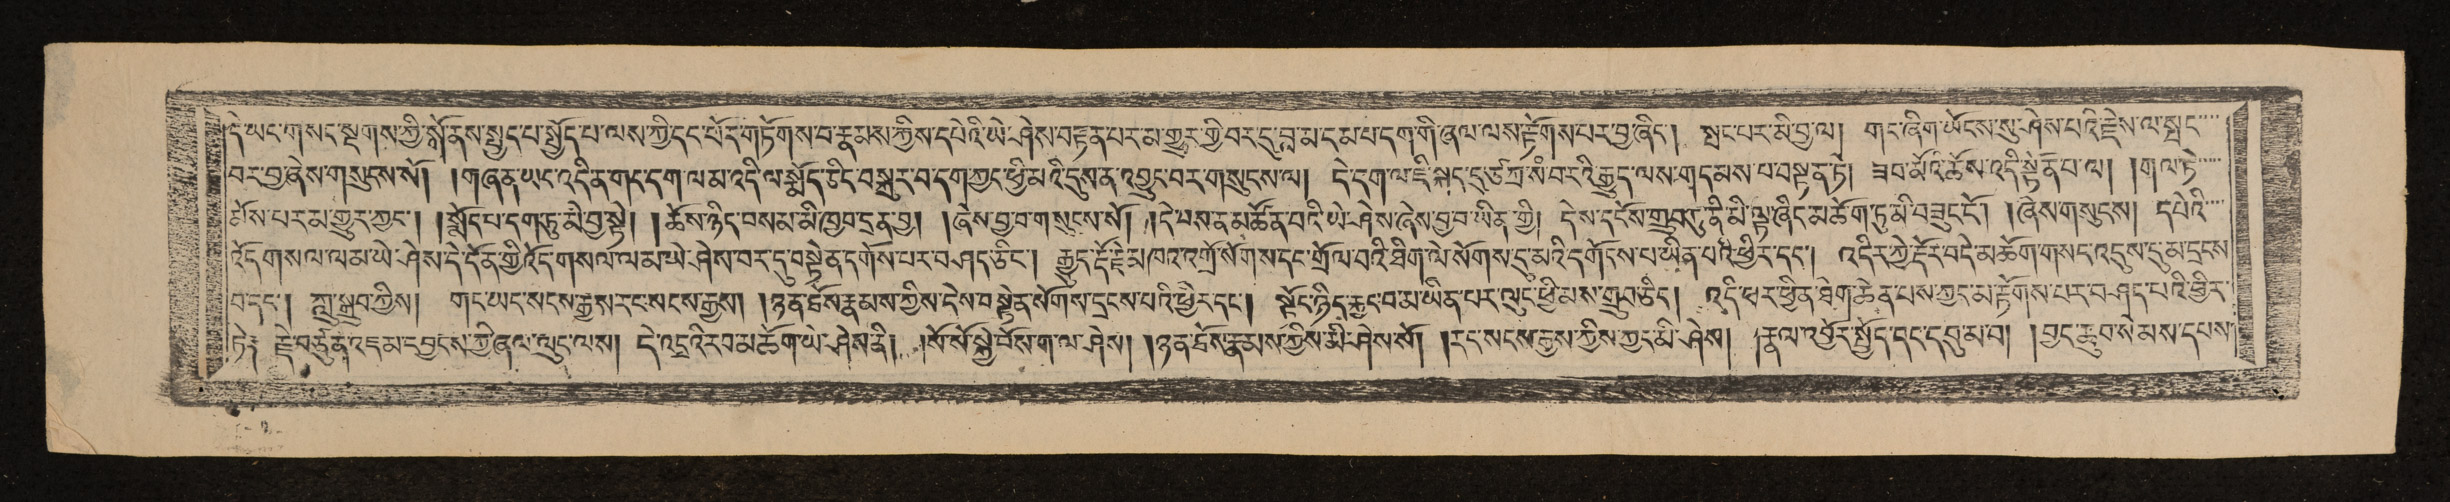དེ་ཡང་གསང་སྔགས་ཀྱི་སྒོ་ནས་སྤྱད་པ་སྤྱོད་པ་ལས་ཀྱི་དང་པོར་གཏོགས་པ་རྣམས་ཀྱིས་དཔེའི་ཡེ་ཤེས་བརྟན་པར་མ་གྱུར་གྱི་བར་དུ་བླ་མ་དམ་པ་དག་གི་ཞལ་ལས་རྟོགས་པར་བྱ་ཞིང་། སྤང་བར་མི་བྱ་ལ། གང་ཞིག་ཡོངས་སུ་ཞེས་པའི་རྫས་ལ་སྤང་
བར་བྱ་ཞེས་གསུངས་སོ། །གཞན་ཡང་འདི་ན་གང་དག་ལམ་འདི་ལ་སྨོད་ཅིང་བསྐུར་བ་དག་ཀྱང་ཕྱི་མའི་དུས་ན་འབྱུང་བར་གསུངས་ལ། དེ་དག་ལ་ཇི་སྐད་དུ་ཙཀྲ་སཾ་བ་རའི་རྒྱུད་ལས་གདམས་པ་བསྟན་ཏེ། ཟབ་མོའི་ཆོས་འདི་སྟོན་པ་ལ། །གལ་ཏེ་
མོས་པར་མ་གྱུར་ཀྱང་། །སྨོད་པ་དག་ཏུ་མི་བྱ་སྟེ། །ཆོས་ཉིད་བསམ་མི་ཁྱབ་དྲན་བྱ། །ཞེས་བྱ་བ་གསུངས་སོ། །དེ་བས་ན་མཚོན་པའི་ཡེ་ཤེས་ཞེས་བྱ་བ་ཡིན་གྱི། དེས་དངོས་གྲུབ་ཏུ་ནི་མི་ལྟ་ཞིང་མཆོག་ཏུ་མི་བཟུང་ངོ། །ཞེས་གསུངས། དཔེའི་
འོད་གསལ་ལམ་ཡེ་ཤེས་དེ་དོན་གྱི་འོད་གསལ་ལམ་ཡེ་ཤེས་བར་དུ་བསྟེན་དགོས་པར་བཤད་ཅིང་། རྒྱུད་རྡོ་རྗེ་མཁའ་འགྲོ་སོགས་དང་གྲོལ་བའི་ཐིག་ལེ་སོགས་དུ་མའི་དགོངས་པ་ཡིན་པའི་ཕྱིར་དང་། འདིར་ཀྱེ་རྡོར་བདེ་མཆོག་གསང་འདུས་དུ་མ་དྲངས་
པ་དང་། ཀླུ་སྒྲུབ་ཀྱིས། གང་ཡང་སངས་རྒྱས་རང་སངས་རྒྱས། །ཉན་ཐོས་རྣམས་ཀྱིས་ངེས་བསྟེན་སོགས་དྲངས་པའི་ཕྱིར་དང་། སྟོང་ཉིད་རྐྱང་བ་མ་ཡིན་པར་ལུང་ཕྱི་མས་གྲུབ་ཅིང་། འདི་ཕར་ཕྱིན་ཐེག་ཆེན་པས་ཀྱང་མ་རྟོགས་པར་བཤད་པའི་ཕྱིར་
ཏེ༑ རྗེ་བཙུན་འཇམ་དབྱངས་ཀྱི་ཞལ་ལུང་ལས། དེ་འདྲའི་རབ་མཆོག་ཡེ་ཤེས་ནི། །སོ་སོ་སྐྱེ་བོས་ག་ལ་ཤེས། །ཉན་ཐོས་རྣམས་ཀྱིས་མི་ཤེས་སོ། །རང་སངས་རྒྱས་ཀྱིས་ཀྱང་མི་ཤེས། །རྣལ་འབྱོར་སྤྱོད་དང་དབུམ་པ། །བྱང་ཆུབ་སེམས་དཔས་